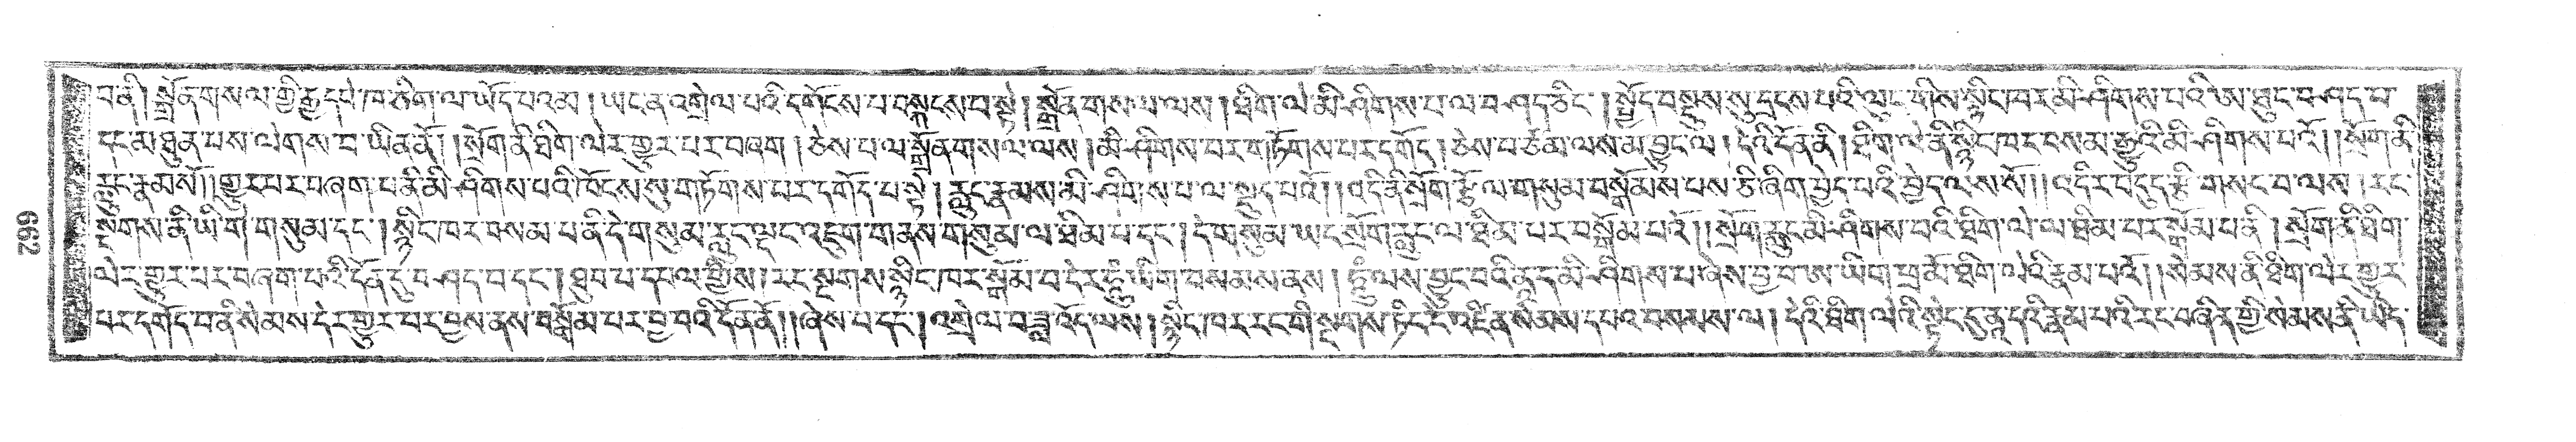པ་ནི། སྒྲོན་གསལ་གྱི་རྒྱ་དཔེ་ཁ་ཅིག་ལ་ཡོད་པའམ། ཡང་ན་འགྲེལ་པའི་དགོངས་པ་བསྐངས་པ་སྟེ། སྒྲོན་གསལ་ལས། ཐིག་ལེ་མི་ཤིགས་པ་ལ་བཤད་ཅིང་། སྤྱོད་བསྡུས་སུ་དྲངས་པའི་ལུང་གིས་སྙིང་ཁར་མི་ཤིགས་པའི་ཨ་ཐུང་བཤད་པ་
དང་མཐུན་པས་ལེགས་པ་ཡིན་ནོ། །སྲོག་ནི་ཐིག་ལེར་གྱུར་པར་བཞག །ཅེས་པ་ལ་སྒྲོན་གསལ་ལས། མི་ཤིགས་པར་གཏོགས་པར་དགོད། ཅེས་པ་ཙམ་ལས་མ་བྱུང་ལ། དེའི་དོན་ནི། ཐིག་ལེ་ནི་སྙིང་ཁར་བསམ་རྒྱུའི་མི་ཤིགས་པའོ། །སྲོག་ནི་
རླུང་རྣམས་སོ། །གྱུར་པར་བཞག་པ་ནི་མི་ཤིགས་པའི་ཁོངས་སུ་གཏོགས་པར་དགོད་པ་སྟེ། རླུང་རྣམས་མི་ཤིགས་པ་ལ་སྡུད་པའོ། །འདི་ནི་སྲོག་རྩོལ་གསུམ་བསྒོམས་པས་ཅི་ཞིག་བྱེད་པའི་བྱེད་ལས་སོ། །འདིར་བདུད་རྩི་གསང་བ་ལས། རང་
སྔགས་ནི་ཡི་གེ་གསུམ་དང་། སྙིང་ཁར་བསམ་པ་ནི་དེ་གསུམ་རླུང་ལྡང་འཇུག་གནས་གསུམ་ལ་ཐིམ་པ་དང་། དེ་གསུམ་ཡང་སྲོག་རླུང་ལ་ཐིམ་པར་བསྒོམ་པའོ། །སྲོག་རླུང་མི་ཤིགས་པའི་ཐིག་ལེ་ལ་ཐིམ་པར་སྒོམ་པ་ནི། སྲོག་ནི་ཐིག་
ལེར་གྱུར་པར་བཞག་པའི་དོན་དུ་བཤད་པ་དང་། ཐུབ་པ་དཔལ་གྱིས། རང་སྔགས་སྙིང་ཁར་སྒོམ་པ་དེར་ཧཱུཾ་ཡིག་བསམས་ནས། ཧཱུམ་ལས་བྱུང་བའི་ནཱ་ད་མི་ཤིགས་པ་ཞེས་བྱ་བ་ཨ་ཡིག་ཕྲ་མོ་ཐིག་ལེའི་རྣམ་པའོ། །སེམས་ནི་ཐིག་ལེར་གྱུར་
པར་དགོད་པ་ནི་སེམས་དེར་གྱུར་པར་བྱས་ནས་བསྒོམ་པར་བྱ་བའི་དོན་ནོ། །ཞེས་པ་དང་། འགྲེལ་པ་ཟླ་འོད་ལས། སྙིང་ཁར་རང་གི་སྔགས་ཏིང་ངེ་འཛིན་སེམས་དཔའ་བསམས་ལ། དེའི་ཐིག་ལེའི་སྟེང་དུ་ནཱ་དའི་རྣམ་པའི་རང་བཞིན་གྱི་སེམས་ནི་ཡིད་